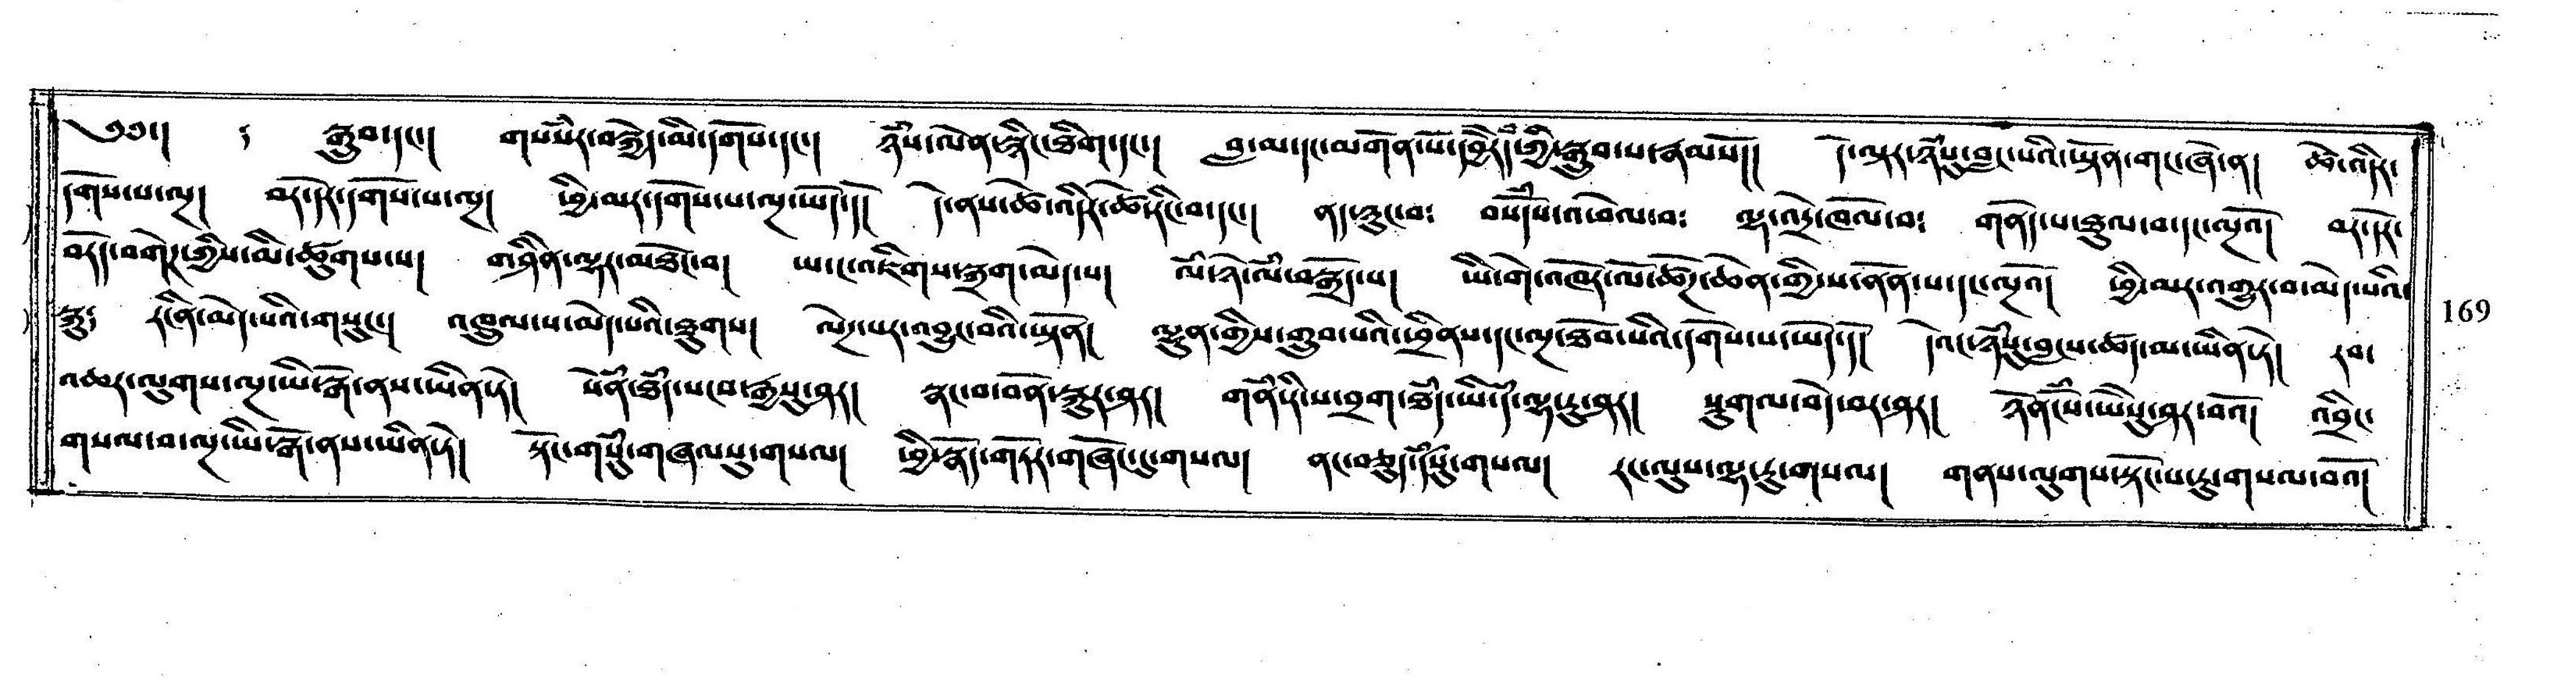སྒྲུབ་དང་། གསས་མཁར་བསྐྱེད་མི་དགོས་དང་། ཉམས་ལེན་སྙིང་ཐིག་དང་། བླ་མ་དང་མགོན་པོ་དབྱེར་མེད་ཀྱི་སྒྲུབ་པ་རྣམས་སོ།། དེ་ལྟར་ཉམས་སུ་བླང་པའི་ཡོན་ཏན་གང་ཞེ་ན། ཚེ་འདིར་
དགོས་པ་ལྔ། བར་དེར་དགོས་པ་ལྔ། ཕྱི་མར་དགོས་པ་ལྔ་ཡོད་དོ། དེ་ནས་ཚེ་འདིར་ཚེ་རིང་བ་དང་། ནད་ཉུང་བ༴ བསོད་ནམས་འཕེལ་བ༴ ལྷ་འདྲེ་ཁོལ་བ༴ གནོད་པ་ཐུལ་བ་དང་ལྔའོ། བར་དོར་
བར་ཆོད་བགེགས་ཀྱིས་མི་ཚུགས་པ། གཤིན་རྗེ་ལྷར་མཐོང་བ། ཡ་ང་འཇིགས་སྐྲག་མེད་པ། ལམ་ཉེ་ལམ་བསྒྲོད་པ། ཡི་གེ་འཁོར་ལོ་ཚོགས་ཆེན་གྱི་ས་ནོན་པ་དང་ལྔའོ། ཕྱི་མར་འགྱུར་བ་མེད་པའི་
སྐུ། རང་བཞིན་མེད་པའི་གསུང་། འཁྲུལ་པ་མེད་པའི་ཐུགས། ལེགས་པར་འབྱུང་བའི་ཡོན་ཏན། ལྷུན་གྱིས་གྲུབ་པའི་ཕྲིན་ལས་དང་ལྔ་ཐོབ་པའི་དགོས་པ་ཡོད་དོ། དེའང་ཉམས་སུ་བླངས་ཚད་མ་ཡིན་ཏེ། རབ་
འཆར་ལུགས་ལྔ་ཡི་སྒོ་ནས་ཡིན་ཏེ། སེམས་ཅན་ཐམས་ཅད་སངས་རྒྱས་སུ་ཤར། སྣང་བ་བོན་སྐུར་ཤར། གནམ་རི་ས་བྲག་ཐམས་ཅད་ཡི་དམ་ལྷ་རུ་ཤར། སྡུག་བསྔལ་བདེ་བར་ཤར། ཉོན་མོངས་ཡེ་ཤེས་སུ་ཤར་བའོ། འབྲིང་
གསལ་བ་ལྔ་ཡི་སྒོ་ནས་ཡིན་ཏེ། སྟོང་གསུམ་གཞལ་ཡས་སུ་གསལ། ཕྱི་སྣོད་གཏོར་གཞོང་དུ་གསལ། ནང་བཅུད་དམ་རྫས་སུ་གསལ། རང་ལུས་ལྷ་རུ་གསལ། གནས་ལུགས་སྟོང་པ་རུ་གསལ་བའོ།